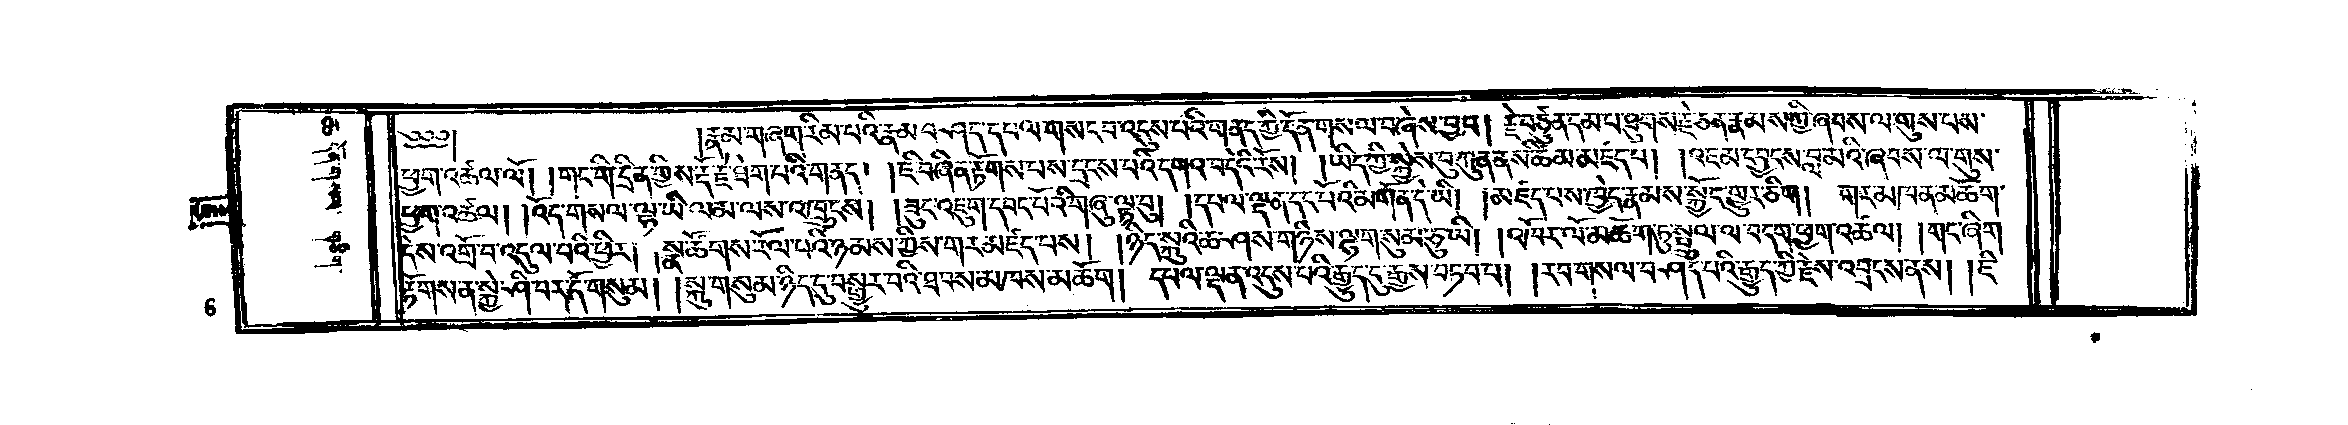༄༅༅། །རྣམ་གཞག་རིམ་པའི་རྣམ་བཤད་དཔལ་གསང་བ་འདུས་པའི་གནད་ཀྱི་དོན་གསལ་བ་ཞེས་བྱ་བ། རྗེ་བཙུན་དམ་པ་ཐུགས་རྗེ་ཅན་རྣམས་ཀྱི་ཞབས་ལ་གུས་པས་
ཕྱག་འཚལ་ལོ། །གང་གི་དྲིན་གྱིས་རྡོ་རྗེ་ཐེག་པའི་གནད། །ཇི་བཞིན་རྟོགས་པས་དྲངས་པའི་དགའ་བ་དེའི་རོས། །ཡིད་ཀྱི་སྐྱེས་བུ་ཀུན་ནས་ཚིམ་མཛད་པ། །འཇམ་དབྱངས་བླ་མའི་ཞབས་ལ་གུས་
ཕྱག་འཚལ། །འོད་གསལ་ལྷ་ཡི་ལམ་ལས་འཁྲུངས། །ཟུང་འཇུག་དབང་པོའི་གཞུ་ལྟ་བུ། །དཔལ་ལྡན་དང་པོའི་མགོན་དེ་ཡི། །མཛད་པས་ཁྱེད་རྣམས་སྐྱོང་གྱུར་ཅིག །གར་མཁན་མཆོག་
དེས་འགྲོ་བ་འདུལ་བའི་ཕྱིར། །སྣ་ཚོགས་རོལ་པའི་ཉམས་ཀྱིས་གར་མཛད་པས། །ཉིད་སྐུའི་ཆ་ཤས་གཉིས་ལྷག་སུམ་ཅུ་ཡི། །འཁོར་ལོ་མཆོག་ཏུ་སྤྲུལ་ལ་བདག་ཕྱག་འཚལ། །གང་ཞིག་
རྟོགས་ན་སྐྱེ་ཤི་བར་དོ་གསུམ། །སྐུ་གསུམ་ཉིད་དུ་བསྒྱུར་བའི་ཐབས་མཁས་མཆོག །དཔལ་ལྡན་འདུས་པའི་རྒྱུད་དུ་རྒྱས་བཏབ་པ། །རབ་གསལ་བཤད་པའི་རྒྱུད་ཀྱི་རྗེས་འབྲངས་ནས། །ཇི་